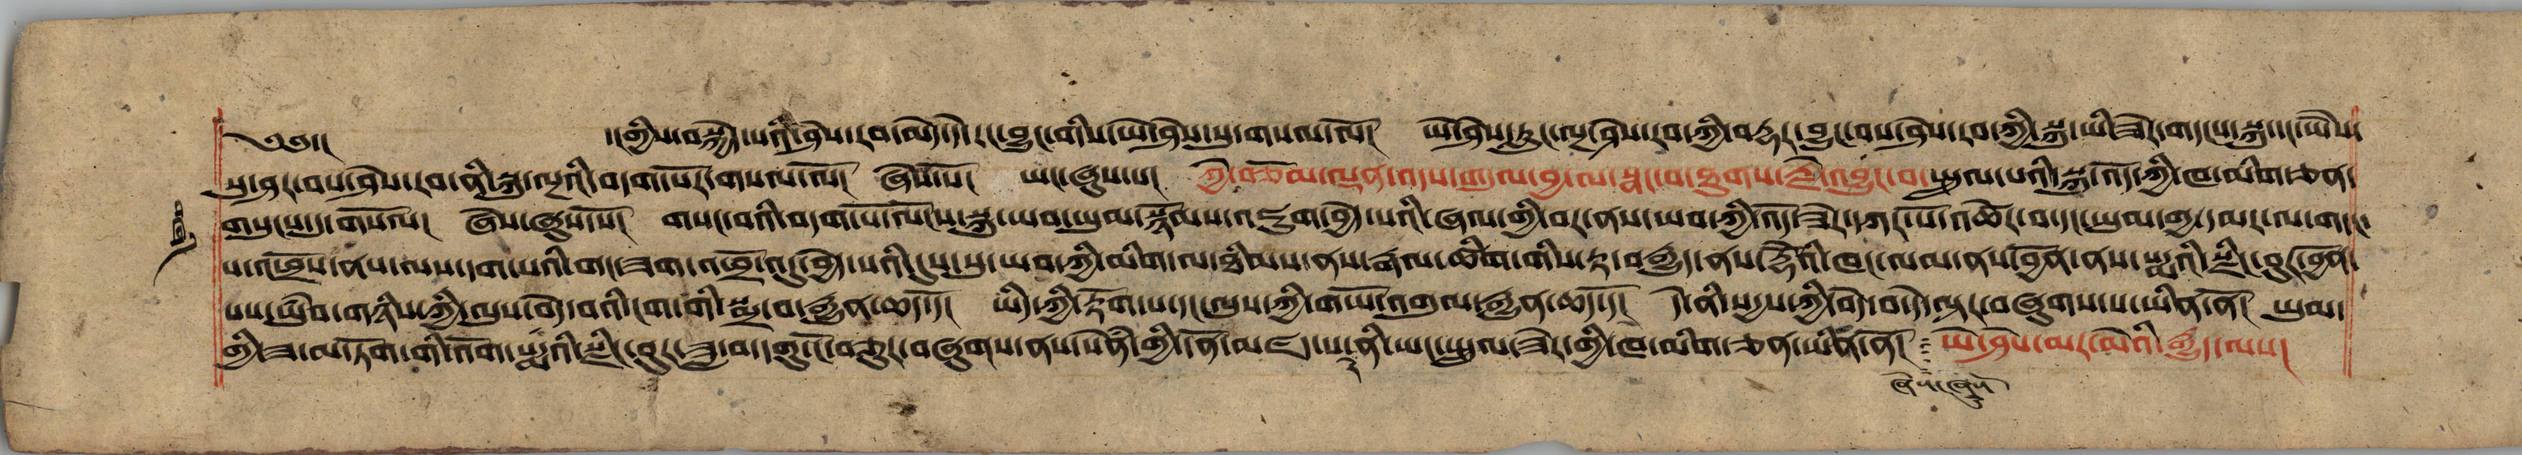༄༅་། ་།གྱིས་བསྐྱེད་པའི་ཤེས་རབ་མེད་དེ་རང་བྱུང་གིས་ཡེ་ཤེས་སུ་གསལ་ལོ། ཡེ་ཤེས་རླུང་ལྔ་ཤེས་རབ་ཀྱི་བརྡར་བྱུང་བས་ཤེས་རབ་ཀྱི་སྐུ་ཡི་ཟེར་གདངས་སྐུ་དང་ཡཻས་
སུ་ཤར་བས་ཤེས་རབ་ནི་སྐུ་ལྔའི་བདག་པོར་གསལ་ལོ། ཞེས་སོ། ཡང་ཞུས་པ། ཀྱེ་བཅོམ་ལྡན་འདས་གདུལ་བྱ་སྣང་བ་ཐུགས་རྗེ་བྱུང་བ་སྤྲུལ་པའི་སྐུ་འོད་ཀྱི་ཁ་མིག་ཅན་
གསུངས་དུ་གསོལ། ཞེས་ཞུས་སོ། གསང་བའི་བདག་པོ་ལོངས་སྐུ་ཡབ་ཡུམ་སྙོམས་འཇུག་བྱེད་པའི་ཞལ་ཀྱི་བར་ནས་ཡབ་ཀྱི་འོད་ཟེར་དཀར་པོ་འཚེར་བ་དང་ཡུམ་གྱ་དམར་ལ་གདང་
པ་འཕྲོས་ནས་ལས་དག་པའི་གང་ཟག་འཕྲོ་འདུ་བྱེད་པའི་དུས་སུ་ཡབ་ཀྱི་མིག་ལ་ཐིམས་ནས་རྒལ་ཚིག་གིས་རྟ་བརྒྱུད་ནས་རྡོེའི་ཁང་ལམ་ནས་བྱོན་ནས་པདྨའི་སྫིང་བུར་བྱོན་
པས་ཡུཾབ་གཉིས་ཀྱི་ལུས་བདེ་བའི་ངག་གི་སྨྲ་བ་རྒྱུན་ཆད་དོ་། ཡིད་ཀྱི་རྟོག་པ་དང་ལུས་ཀྱི་གཡོ་འགུལ་རྒྱུན་ཆད་དོ་། དེ་ནི་སདྱས་ཀྱི་བདེ་བ་དེ་ལྟར་བཞུགས་པ་ཡིན་ནོ། ཡུམ་
གྱི་ཟ་མ་ཏོག་གི་འོག་པདྨའི་སྫིང་བུར་ཟླ་བ་དགུ་ངོ་བཅུར་བཞུགས་ནས་སེཾན་གྱི་དོན་མཛད་པ་ནི་ཡང་སྤྲུལ་ཟེར་གྱི་ཁ་མིག་ཅན་ཡིན་ནོ། ཡེ་ཤེས་མར་མེའི་རྒྱུད་ལས།